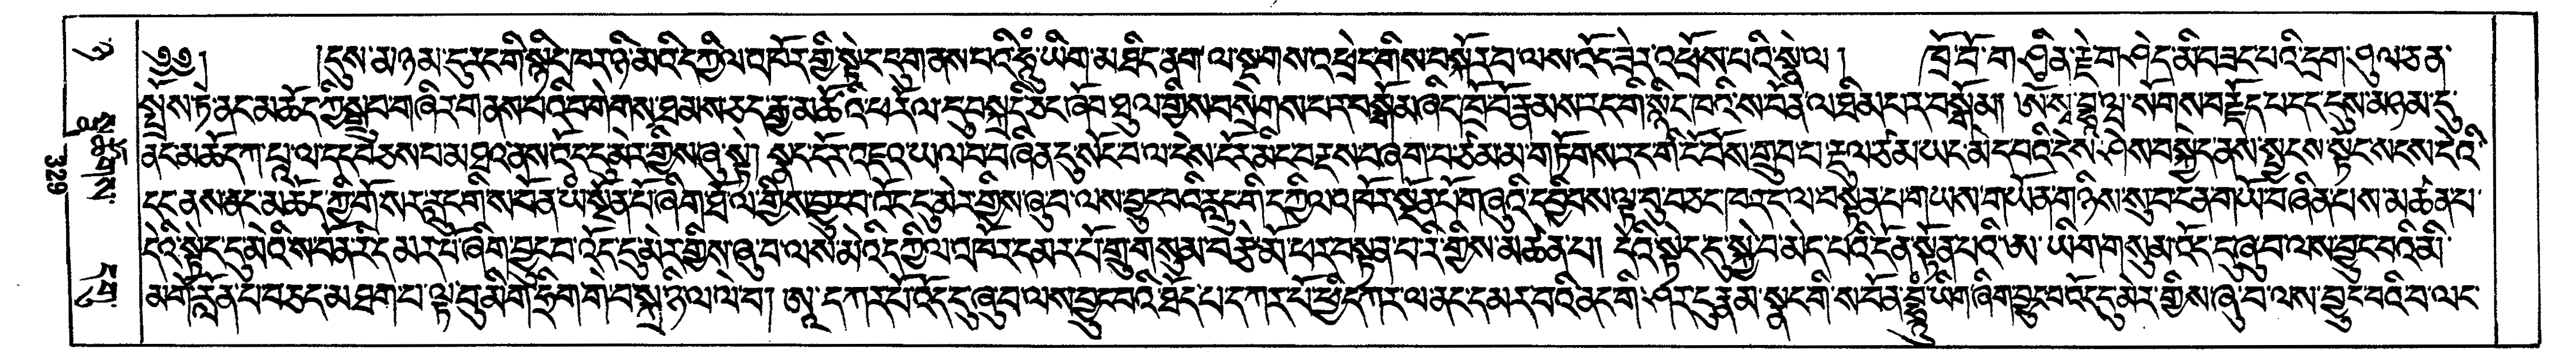༄༅། །དུས་མཉམ་དུ་རང་གི་སྙིང་ཁར་ཉི་མའི་དཀྱིལ་འཁོར་གྱི་སྟེང་དུ་གནས་པའི་ཧཱུཾ་ཡིག་མཐིང་ཨང་ལ་སྔགས་འཕྲེང་གིས་བསྐོར་བ་ལས་འོད་ཟེར་འཕྲོས་པའི་སྣེ་ལ། ཁྲོ་བོ་པ། གཤིན་རྗེ་གཤེད་མི་བཟང་པའི་དྲག་ཤུལ་ཅན་
སྤྲོས་ཏེ་ནང་མཆོད་ཀྱི་སྒྲུབ་གཞིར་གནས་པའི་བགེགས་ཐམས་ཅད་རྒྱ་མཚོའི་ཕི་རོལ་དུ་བསྐྲད་ཅིང་ཞོབ་ཐུལ་གྱིས་བསྲེགས་པར་བསྒོམ་ཞིང་ཁྲོ་བོ་རྣམས་རང་གི་སྙིང་ཁའི་ས་བོན་ལ་ཐིམ་པར་བསྒོམ། ཨོཾ་སྭ་བྷ་ཝ་སོགས་བརྗོད་པ་དང་དུས་མཉམ་དང་
ནད་མཆོད་ཀ་པཱ་ལ་དང་བཅས་པ་མཐའ་ནས་འོད་དུ་མེར་གྱིས་ཞུ་སྟེ། སྣང་ངོར་འཇའ་ཡལ་བ་བཞིན་དུ་སོང་བ་ལ་ངེས་ངོར་མིང་བརྔས་བཞག་པ་ཙམ་མ་གཏོགས་རང་གི་ངོ་བོས་གྲུབ་པ་རྡུལ་ཙམ་ཡང་མེད་པའི་ངེས་ཤེས་བསྐྱེད་ནས་སྦྱངས་སྟོང་སངས་དེའི་
ངང་ནས་ནང་མཆོད་ཀྱི་གོ་སར་རླུང་གི་ས་བོན་ཡཾ་སྔོན་པོ་ཞིག་ཐོལ་གྱིས་བྱུང་བ་འོང་དུ་མེར་གྱིས་ཞུ་བ་ལས་བྱུང་བའི་རླུང་གི་དཀྱིལ་འཁོར་སྔོན་པོ་གཞུའི་དབྱིབས་ལྟ་བུ་བཅད་ཁ་རང་ལ་བསྟན་པ་གཡས་གཡོན་གཉིས་སུ་བ་ངན་གཡོ་བཞིན་པས་མཚན་པ་
དེའི་སྟེང་དུ་མེའི་ས་བོན་རཾ་དམར་པོ་ཞིག་བྱུང་བ་འོད་དུ་མེར་གྱིས་ཞུ་བ་ལས་མེའི་དཀྱིལ་འཁོར་དམར་པོ་གྲུ་གསུམ་བརྩེ་མོ་ཕར་བསྟན་པ་རཾ་གྱིས་མཚན་པ། དེའི་སྟེང་དུ་སྐྱེ་བ་མེད་པའི་དོན་སྟོན་བའི་ཨ་ཡིག་གསུམ་འོད་དུ་ཞུ་བ་ལས་བྱུང་བའི་མི་
མགོ་རློན་པ་བཅད་མ་ཐག་པ་ལྟ་བུ་མིག་ཧྲིག་གེ་བ་སྐྲ་ཉིལ་ལེ་བ། ཨཱ་དཀར་པོ་འོད་དུ་ཞུ་བ་ལས་བྱུང་བའི་ཐོད་པ་དཀར་པོ་ཕྱི་དཀར་ལ་ནང་དམར་བའི་ནང་གི་ཤར་དུ་རྣམ་སྣང་གི་ས་བོན་བྷཱུཾ་ཡིག་ཞིག་བྱུང་བ་འོད་དུ་མེར་གྱིས་ཞུ་བ་ལས་བྱུང་བའི་བ་ལང་